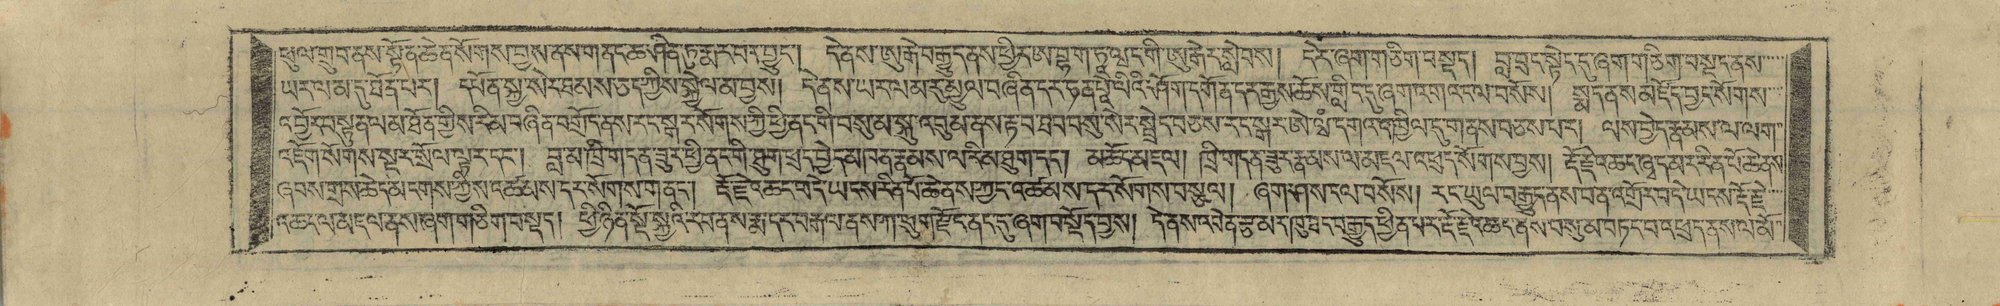ཕུལ་གྲུབ་ནས་སྟོན་ཆེན་སོགས་བྱས་ནས་གནང་ཆ་ཤིན་ཏུ་རྨར་བར་བྱུང་། དེ་ནས་ཨུརྒེ་བརྒྱུད་ནས་ཕྱིར་ཨ་བྷ་ག་ཏཱ་ཝང་གི་ཨུརྒེར་སླེབས། དེར་ཞག་གཅིག་བསྡད། བླ་བྲང་སྟེང་དུ་ཞག་གཅིག་བསྡད་ནས་
ཡར་ལམ་དུ་ཐོན་པར། དཔོན་སྐྱ་སེར་ཐམས་ཅད་ཀྱིས་སྐྱེལ་མ་བྱས། དེ་ནས་ཡར་ལམ་རུ་མྱུལ་བཞིན་དར་ཧན་པE་ལིའི་ཤོག་དགོན་དར་རྒྱས་ཆོས་གླིང་དུ་ཞག་འགའ་ངལ་བསོས། སྨད་ནས་མཛོད་བྱང་སོགས་
འབྱོར་བསྟུན་ལམ་ཐོན་གྱིས་རིམ་བཞིན་བགྲོད་ནས་རང་སྒར་སོགས་ཀྱི་ཕྱི་ནང་གི་བསུ་མ་སྐུ་འབུམ་ནས་རྟ་བ་ཐབ་བསུ་སེར་སྦྲེང་བཅས་རང་སྒར་ཨེ་ཝཾ་དགའ་འཁྱིལ་དུ་གནས་བཅས་པར། ལས་བྱེད་རྣམས་ལ་ལག་
འཇོག་སོགས་སྔར་སྲོལ་ལྟར་དང་། བླ་མ་ཁྲི་གདན་ཟུར་ཕྱི་ནང་གི་ཐུག་ཕྲད་བྱེད་མཁན་རྣམས་ལ་རིམ་ཐུག་དང་། མཆོད་མཇལ། ཁྲི་གདན་ཟུར་རྣམས་ལ་མཇལ་འཕྲད་སོགས་བྱས། རྡོ་རྗེ་འཆང་ཞྭ་དམར་རིན་པོ་ཆེ་ནས་
ཞབས་གྲས་ཆེད་མངགས་ཀྱིས་འཚམས་དར་སོགས་གནང་། རྡོ་རྗེ་འཆང་བདེ་ཡངས་རིན་པོ་ཆེ་ནས་ཀྱང་འཚམས་དར་སོགས་བསྩལ། ཞག་ཤས་ངལ་བསོས། རང་ཡུལ་བརྒྱུད་ནས་བན་འགྲོར་བདེ་ཡངས་རྡོ་རྗེ་
འཆང་ལ་མཇལ་ནས་ཞག་གཅིག་བསྡད། ཕྱི་ཉིན་སྔོ་སྐྱའི་རབ་ནས་རྨ་དར་བརྒལ་ནས་ཀ་ཕུག་རྫོང་ནང་དུ་ཞག་བསྡོད་བྱས། དེ་ནས་འབེན་རྩ་མར་ཁུ་ཐང་བརྒྱུད་ཕྱིན་པར་རྡོ་རྗེ་འཆང་ནས་བསུ་མ་བཏང་བ་འཕྲད་ནས་ལ་མོ་